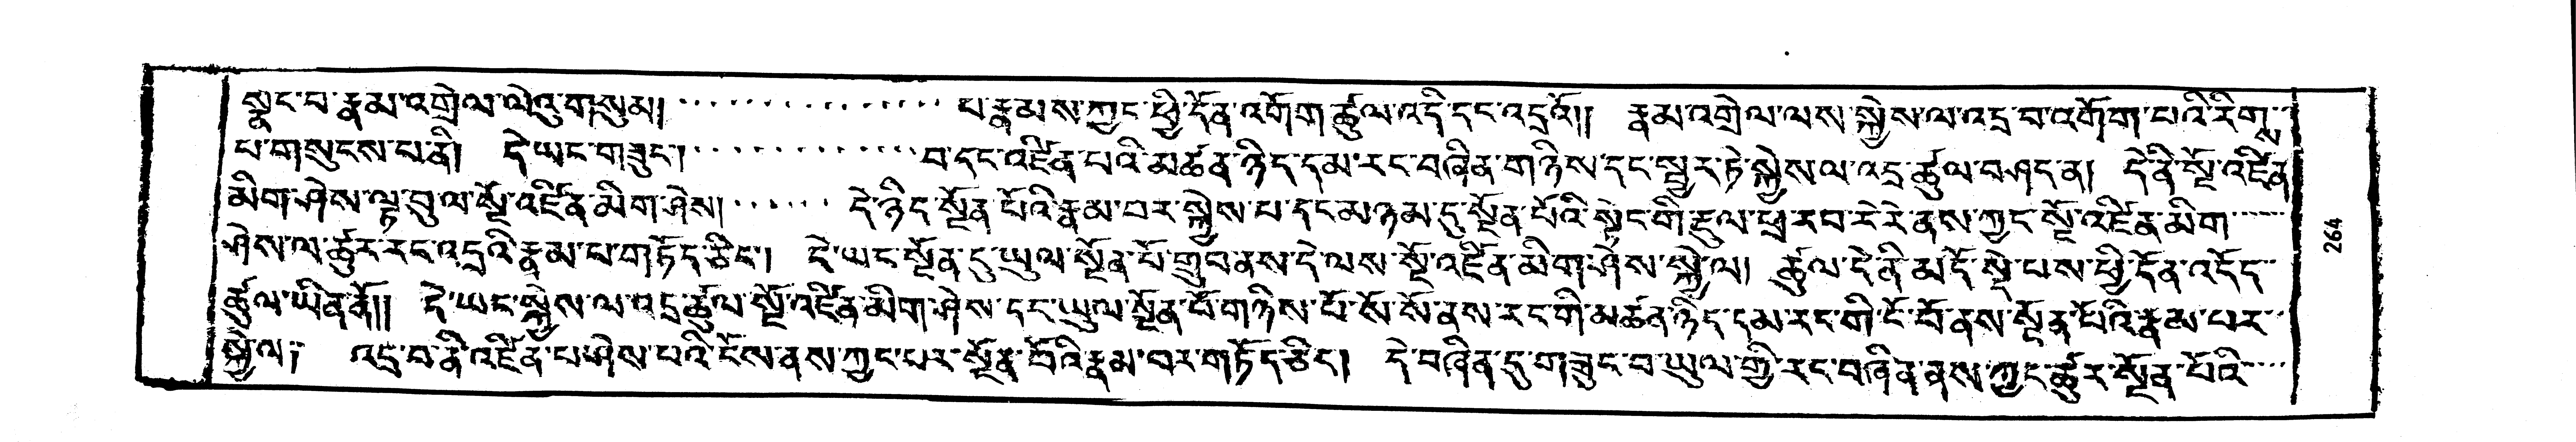སྣང་བ་རྣམ་འགྲེལ་ལེའུ་གསུམ། པ་རྣམས་ཀྱང་ཕྱི་དོན་འགོག་ཚུལ་འདི་དང་འདྲའོ། །རྣམ་འགྲེལ་ལས་སྐྱེས་ལ་འདྲ་བ་འགོག་པའི་རིགས་
པ་གསུངས་པ་ནི། དེ་ཡང་གཟུང་། བ་དང་འཛིན་པའི་མཚན་ཉིད་དམ་རང་བཞིན་གཉིས་དང་སྦྱར་ཏེ་སྐྱེས་ལ་འདྲ་ཚུལ་བཤད་ན། དེ་ནི་སྔོ་འཛིན་
མིག་ཤེས་ལྟ་བུ་ལ་སྔོ་འཛིན་མིག་ཤེས། དེ་ཉིད་སྔོན་པོའི་རྣམ་པར་སྐྱེས་པ་དང་མཉམ་དུ་སྔོན་པོའི་སྟེང་གི་རྡུལ་ཕྲ་རབ་རེ་རེ་ནས་ཀྱང་སྔོ་འཛིན་མིག་
ཤེས་ལ་ཚུར་རང་འདྲའི་རྣམ་པ་གཏོད་ཅིང་། དེ་ཡང་སྔོན་དུ་ཡུལ་སྔོན་པོ་གྲུབ་ནས་དེ་ལས་སྔོ་འཛིན་མིག་ཤེས་སྐྱེ་ལ། ཚུལ་དེ་ནི་མདོ་སྡེ་པས་ཕྱི་དོན་འདོད་
ཚུལ་ཡིན་ནོ། །དེ་ཡང་སྐྱེས་ལ་འདྲ་ཚུལ་སྔོ་འཛིན་མིག་ཤེས་དང་ཡུལ་སྔོན་པོ་གཉིས་པོ་སོ་སོ་ནས་རང་གི་མཚན་ཉིད་དམ་རང་གི་ངོ་བོ་ནས་སྔོན་པོའི་རྣམ་པར་
སྐྱེ་ལ༑ འདྲ་བ་ནི་འཛིན་པ་ཤེས་པའི་ངོས་ནས་ཀྱང་པར་སྔོན་པོའི་རྣམ་པར་གཏོད་ཅིང་། དེ་བཞིན་དུ་གཟུང་བ་ཡུལ་གྱི་རང་བཞིན་ནས་ཀྱང་ཚུར་སྔོན་པོའི་